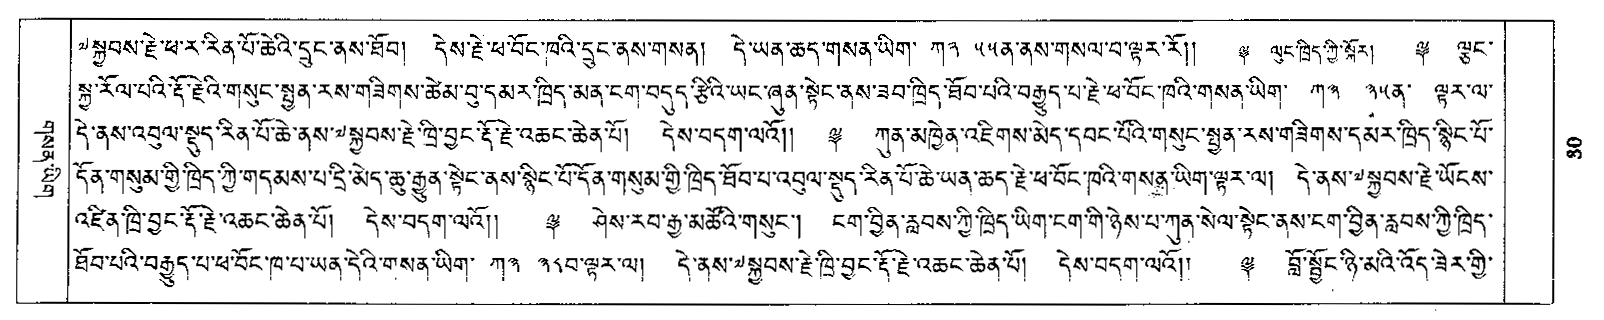༧་སྐྱབས་རྗེ་ཕ་ར་རིན་པོ་ཆེའི་དྲུང་ནས་ཐོབ། དེས་རྗེ་ཕ་བོང་ཁའི་དྲུང་ནས་གསན། དེ་ཡན་ཆད་གསན་ཡིག་ཀ ༢ ༥༥་ན་ནས་གསལ་བ་ལྟར་རོ།། ༈ ལུང་ཁྲིད་ཀྱི་སྐོར། ༈ ལྕང་
སྐྱ་རོལ་བའི་རྡོ་རྗེའི་གསུང་སྤྱན་རས་གཟིགས་ཚེམ་བུ་དམར་ཁྲིད་མན་ངག་བདུད་རྩིའི་ཡང་ཞུན་སྟེང་ནས་ཟབ་ཁྲིད་ཐོབ་པའི་བརྒྱུད་པ་རྗེ་ཕ་བོང་ཁའི་གསན་ཡིག་ཀ ༣ ༣༥་ན་ལྟར་ལ་
དེ་ནས་འབུལ་སྡུད་རིན་པོ་ཆེ་ནས་༧་སྐྱབས་རྗེ་ཁྲི་བྱང་རྡོ་རྗེ་འཆང་ཆེན་པོ། དེས་བདག་ལའོ།། ༈ ཀུན་མཁྱེན་འཇིགས་མེད་དབང་པོའི་གསུང་སྤྱན་རས་གཟིགས་དམར་ཁྲིད་སྙིང་པོ་
དོན་གསུམ་གྱི་ཁྲིད་ཀྱི་གདམས་པ་དྲི་མེད་ཆུ་རྒྱུན་སྟེང་ནས་སྙིང་པོ་དོན་གསུམ་གྱི་ཁྲིད་ཐོབ་པ་འབུལ་སྡུད་རིན་པོ་ཆེ་ཡན་ཆད་རྗེ་ཕ་བོང་ཁའི་གསན་ཡིག་ལྟར་ལ། དེ་ནས་༧་སྐྱབས་རྗེ་ཡོངས་
འཛིན་ཁྲི་བྱང་རྡོ་རྗེ་འཆང་ཆེན་པོ། དེས་བདག་ལའོ།། ༈ ཤེས་རབ་རྒྱ་མཚོའི་གསུང་། ངག་བྱིན་རླབས་ཀྱི་ཁྲིད་ཡིག་ངག་གི་ཉེས་པ་ཀུན་སེལ་སྟེང་ནས་ངག་བྱིན་རླབས་ཀྱི་ཁྲིད་
ཐོབ་པའི་བརྒྱུད་པ་ཕ་བོང་ཁ་པ་ཡན་དེའི་གསན་ཡིག་ཀ ༣ ༣༨་བ་ལྟར་ལ། དེ་ནས་༧་སྐྱབས་རྗེ་ཁྲི་བྱང་རྡོ་རྗེ་འཆང་ཆེན་པོ། དེས་བདག་ལའོ།། ༈ བློ་སྦྱོང་ཉི་མའི་འོད་ཟེར་གྱི་